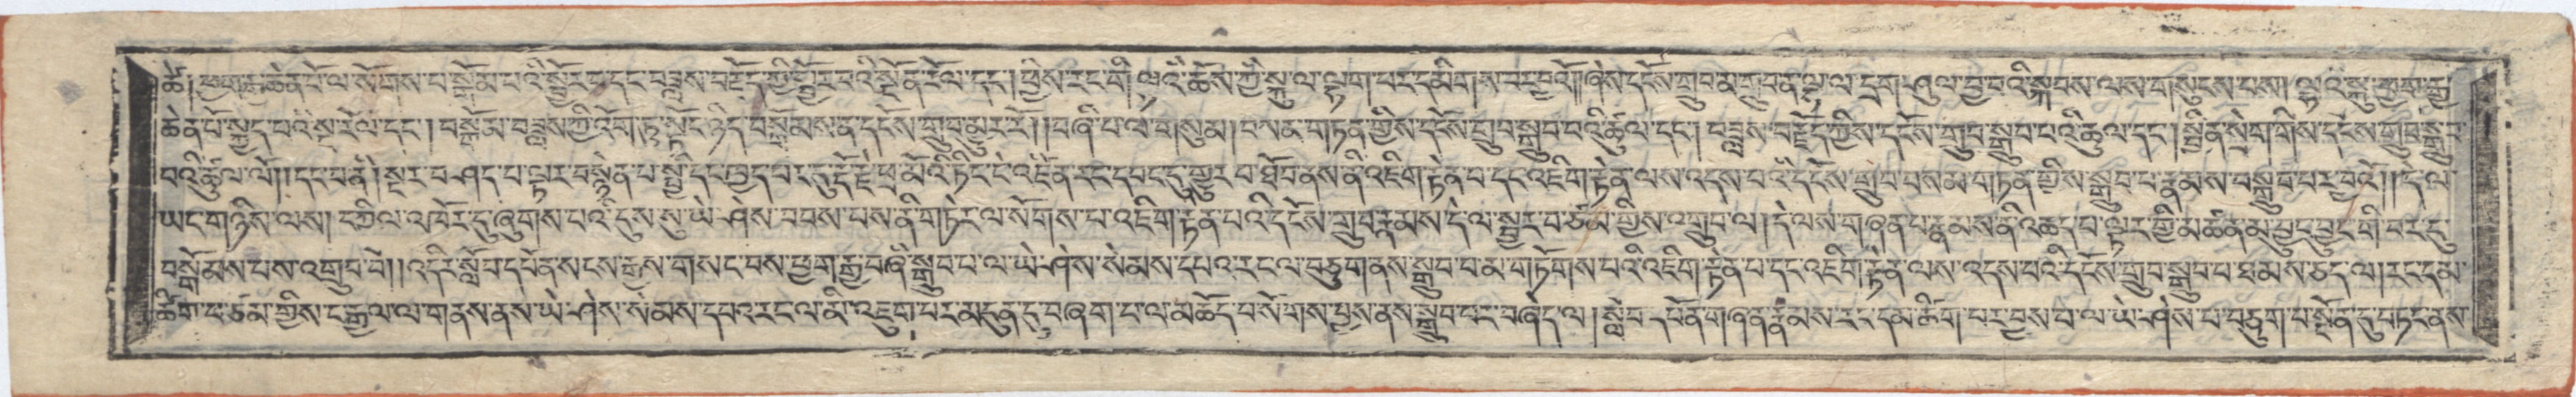ཚེ༑ ཕྱག་རྒྱ་ཆེན་པོ་ལ་སོགས་པ་སྒོམ་པའི་སྦྱོར་བ་དང་བཟླས་བརྗོད་ཀྱི་སྦྱོར་བའི་སྔོན་རོལ་དང་། ཕྱིས་རང་གི་ལྷའི་ཆོས་ཀྱི་སྐུ་ལ་ལྷག་པར་དམིགས་པར་བྱའོ། །ཞེས་དངོས་གྲུབ་མ་གྲུབ་ན་ལྷ་ལ་དྲག་ཤུལ་བྱ་བའི་སྐབས་ལས་གསུངས་པས། ལྷའི་སྐུ་ཕྱག་རྒྱ་
ཆེན་པོ་སྐྱེད་པའི་སྔ་རོལ་དང་། བསྒོམ་བཟླས་ཀྱི་འོག་ཏུ་སྟོང་ཉིད་བསྒོམས་ན་དངོས་གྲུབ་མྱུར་རོ། །བཞི་པ་ལ་གསུམ། བསམ་གཏན་གྱིས་དངོས་གྲུབ་སྒྲུབ་པའི་ཚུལ་དང་། བཟླས་བརྗོད་ཀྱིས་དངོས་གྲུབ་སྒྲུབ་པའི་ཚུལ་དང་། སྦྱིན་སྲེག་གིས་དངོས་གྲུབ་སྒྲུབ་
པའི་ཚུལ་ལོ། །དང་པོ་ནི། སྔར་བཤད་པ་ལྟར་བསྙེན་པ་སྤྱི་དང་ཁྱད་པར་དུ་རྡོ་རྗེ་ཕྲ་མོའི་ཏིང་ངེ་འཛིན་རང་དབང་དུ་གྱུར་པ་ཐོབ་ནས་ནི་འཇིག་རྟེན་པ་དང་འཇིག་རྟེན་ལས་འདས་པའི་དངོས་གྲུབ་བསམ་གཏན་གྱིས་སྒྲུབ་པ་རྣམས་བསྒྲུབ་པར་བྱའོ། །དེ་ལ་
ཡང་གཉིས་ལས། དཀྱིལ་འཁོར་དུ་ཞུགས་པའི་དུས་སུ་ཡེ་ཤེས་བབས་པས་ནི་གཏེར་ལ་སོགས་པ་འཇིག་རྟེན་པའི་དངོས་གྲུབ་རྣམས་དེ་ལ་སྦྱར་བ་ཙམ་གྱིས་འགྲུབ་ལ། དེ་ལས་གཞན་པ་རྣམས་ནི་འཆད་པ་ལྟར་གྱི་མཚན་མ་བྱུང་བྱུང་གི་བར་དུ་
བསྒོམས་པས་འགྲུབ་བོ། །འདིར་སློབ་དཔོན་སངས་རྒྱས་གསང་བས་ཕྱག་རྒྱ་བཞི་སྒྲུབ་པ་ལ་ཡེ་ཤེས་སེམས་དཔའ་རང་ལ་བཅུག་ནས་སྒྲུབ་པ་མ་གཏོགས་པའི་འཇིག་རྟེན་པ་དང་འཇིག་རྟེན་ལས་འདས་པའི་དངོས་གྲུབ་སྒྲུབ་པ་ཐམས་ཅད་ལ། རང་དམ་
ཚིག་པ་ཙམ་གྱིས་ང་རྒྱལ་ལ་གནས་ནས་ཡེ་ཤེས་སེམས་དཔའ་རང་ལ་མི་འཇུག་པར་མདུན་དུ་བཞག་པ་ལ་མཆོད་པ་སོགས་བྱས་ནས་སྒྲུབ་པར་བཞེད་ལ། སློབ་དཔོན་གཞན་རྣམས་རང་དམ་ཚིག་པར་བྱས་པ་ལ་ཡེ་ཤེས་པ་བཅུག་པ་སྔོན་དུ་བཏང་ནས་